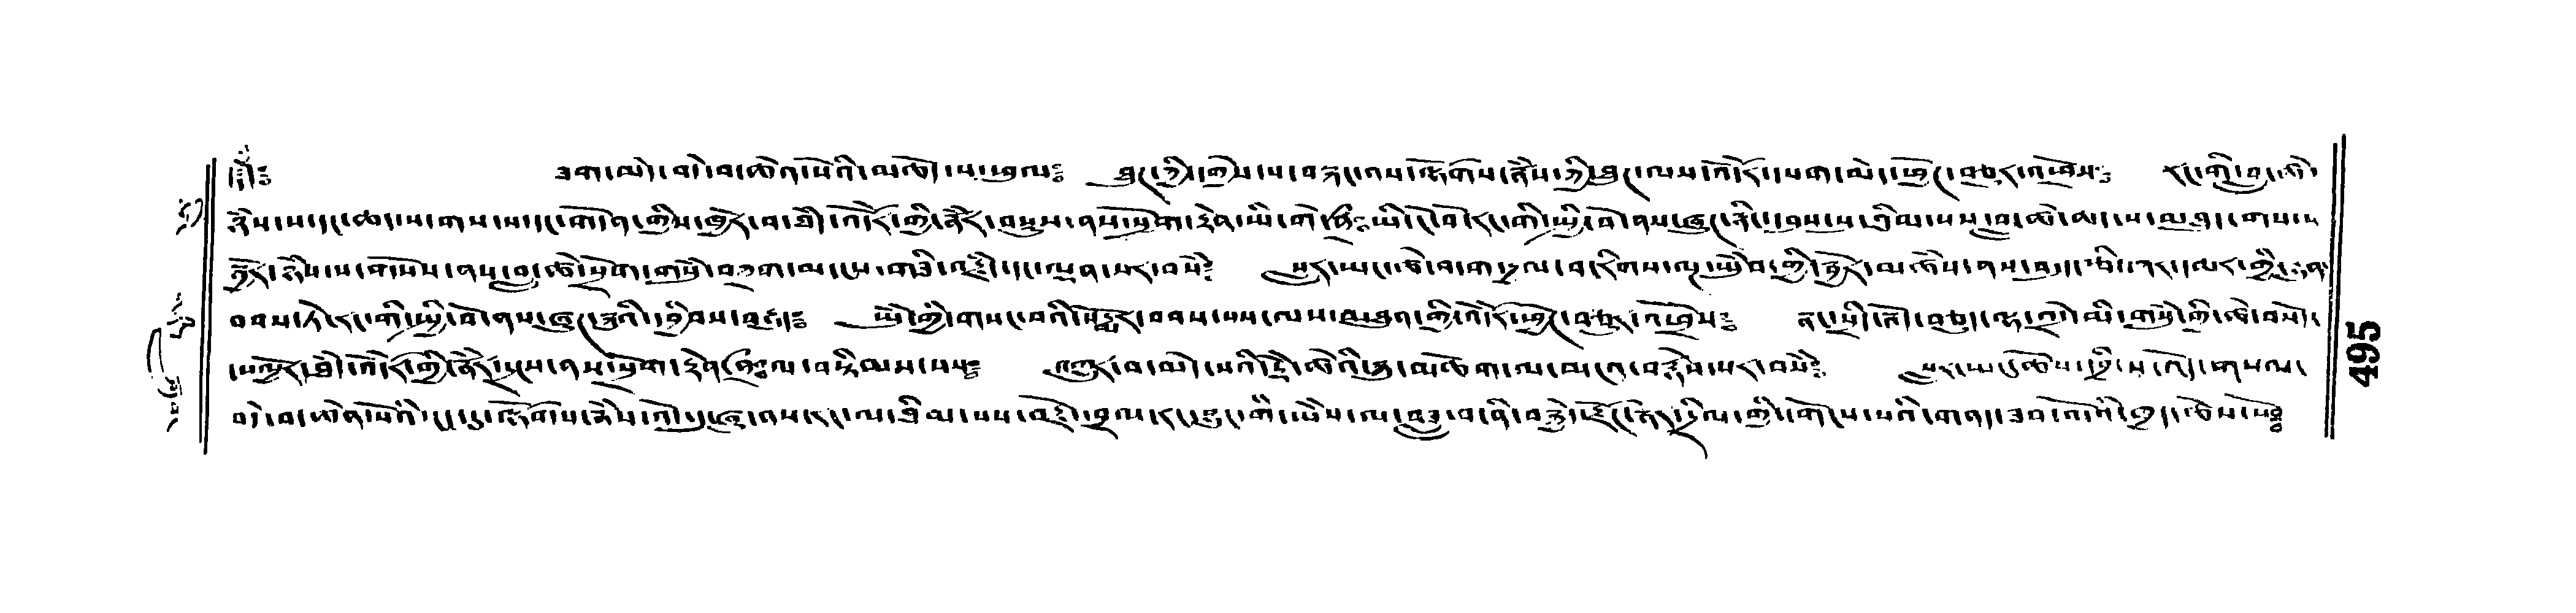ཟག་མེད་བདེ་བ་ཆེན་པོའི་མཆོད་པ་ཕུལ༔ ཐུགས་ཀྱི་དགྱེས་པ་བསྐང་ནས་ལྷ་ཚོགས་རྣམས་ཀྱི་ཐུགས་ལས་འོད་ཟེར་དཔག་མེད་ཕྱོགས་བཅུར་འཕྲོས༔ རང་གི་བླ་ཚེ་
ཉམས་པ་དང་ཆད་པ་གས་པ་དང་གདོན་གྱིས་ཁྱེར་བ་ཐམས་ཅད་འོད་ཟེར་གྱི་རྣམ་པར་བསྡུས་ནས་སྲོག་རྟེན་ཡི་གེ་ནྲྀཿགྱི་ངོ་བོ་རང་གི་སྤྱི་བོ་ནས་ཞུགས་སྙིང་དབུས་སུ་ཐིམ་པས་བླ་ཚེ་ཆད་པ་མཐུད༔ གས་པ་
སྦྱར་ཉམས་པ་གསོས་ནས་བླ་ཚེ་སྲོག་གསུམ་བཀྲག་མདངས་གཟི་བརྗིད་དང་ལྡན་པར་བསམ༔ སླར་ཡང་ཚེ་བདག་རྒྱལ་བ་རིགས་ལྔ་ཡབ་ཡུམ་གྱི་སྦྱོར་མཚམས་ནས་བདུད་རྩི་དཀར་དམར་གྱི་རྒྱུན་
བབས་ཏེ་རང་གི་སྤྱི་བོ་ནས་བཞུགས་སྐུའི་དབྱིབས་བརྒྱུད༔ ཡུམ་གྱི་གསང་བའི་པདྨོར་བབས་པས་ལས་མཐུན་གྱི་འོད་ཟེར་ཕྱོགས་བཅུར་འཕྲོས༔ སྣང་སྲིད་སྣོད་བཅུད་ལྷ་འདྲེ་མི་གསུམ་གྱི་ཚེ་བསོད་
དཔལ་འབྱོར་ཐམས་ཅད་འོད་ཟེར་གྱི་རྣམ་པར་དྲངས་ནས་སྲོག་རྟེན་ནྲྀཿལ་བསྟིམས་པས༔ འགྱུར་བ་མེད་པའི་རྡོ་རྗེ་ཚེའི་སྐུ་མཆོག་ལ་མངའ་བརྙེས་པར་བསམ༔ སླར་ཡང་ཆོས་དབྱིངས་འོད་གསལ་
བདེ་བ་ཆེན་པོའི་ངང་དུ་ལྷ་ཚོགས་རྣམས་འོད་དུ་ཞུ་བས་རང་ལ་ཐིམ་པས་བརྗོད་བྲལ་རང་བྱུང་གི་ཡེ་ཤེས་ལ་བཟླ་བ་ནི་བསྐྱེད་རྫོགས་གནད་དྲིལ་གྱི་དགོངས་པའི་གནད་ཟབ་མོའི་ཁྱད་ཆོས་སོ༔